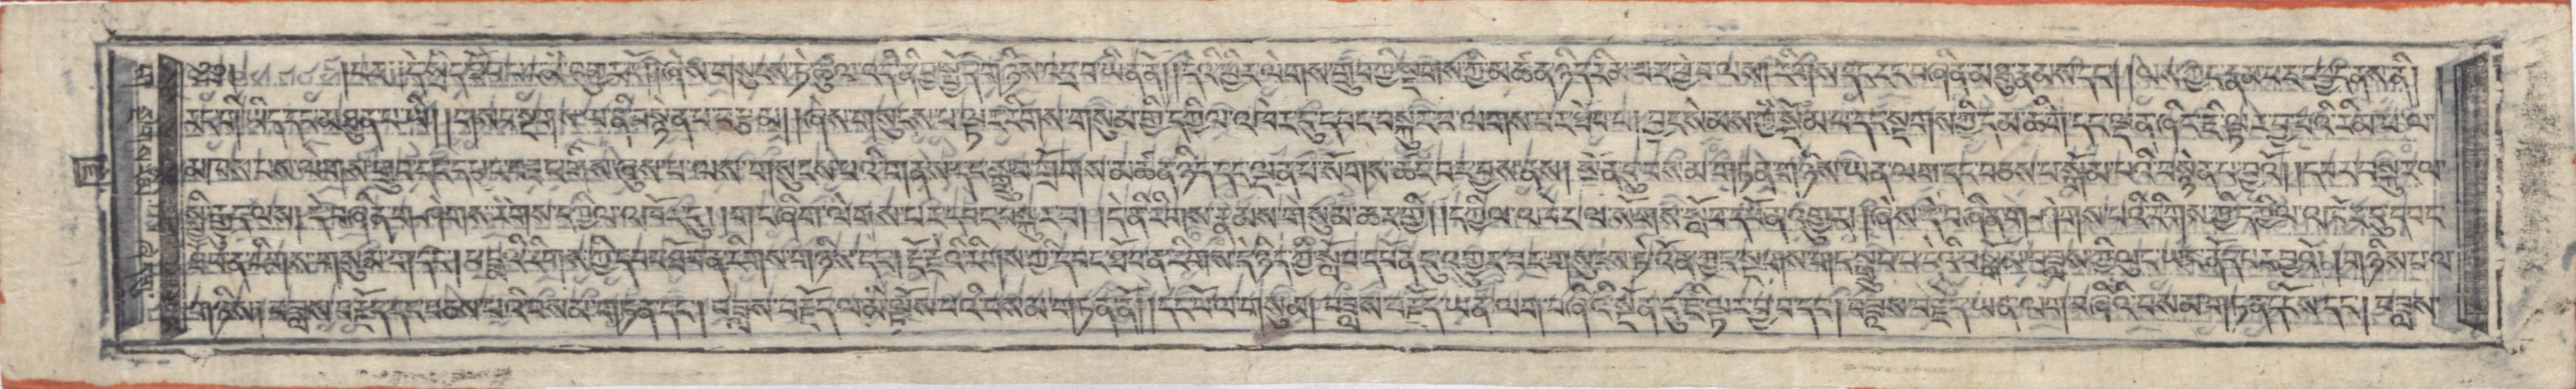༄༅། །པར༑ ༑དེ་སྲིད་ཐོབ་པར་མི་འགྱུར་རོ། །ཞེས་གསུངས་ཏེ་ཚུལ་འདི་ནི་བྱ་སྤྱོད་གཉིས་འདྲ་བ་ཡིན་ནོ། །དེའི་ཕྱིར་ལེགས་གྲུབ་ཀྱི་སྔགས་ཀྱི་མཚན་ཉིད་རིམ་པར་ཕྱེ་བ་ལས། རིགས་དང་རང་བཞིན་མཐུ་རྣམས་དང་། །ལས་ཀྱང་རྣམ་པར་དཔྱད་ནས་ནི། །
རང་གི་ཡིད་དང་མཐུན་པ་ཡི། །གསང་སྔགས་ལ་ནི་བསྙེན་པ་བརྩམ། །ཞེས་གསུངས་པ་ལྟར་རིགས་གསུམ་གྱི་དཀྱིལ་འཁོར་དུ་དབང་བསྐུར་བ་ལེགས་པར་ཐོབ་པ། བྱང་སེམས་ཀྱི་སྡོམ་པ་དང་སྔགས་ཀྱི་དམ་ཚིག་དང་ལྡན་ཞིང་ཇི་ལྟར་བྱ་བའི་རིམ་པ་ལ་
མཁས་པས་ལེགས་གྲུབ་དང་དཔུང་བཟང་གིས་ཞུས་པ་ལས་གསུངས་པའི་གནས་དང་སྒྲུབ་གྲོགས་མཚན་ཉིད་དང་ལྡན་པ་སོགས་ཚང་བར་བྱས་ནས། སྔོན་དུ་བསམ་གཏན་གཉིས་ཡན་ལག་དང་བཅས་པ་སྒོམ་པའི་བསྙེན་པ་བྱའོ། །དབང་བསྐུར་ལ་
སྤྱི་རྒྱུད་ལས། དེ་བཞིན་གཤེགས་རིགས་དཀྱིལ་འཁོར་དུ། །གང་ཞིག་ལེགས་པར་དབང་བསྐུར་བ། །དེ་ནི་རིགས་རྣམས་གསུམ་ཆར་གྱི། །དཀྱིལ་འཁོར་ལ་སོགས་སློབ་དཔོན་འགྱུར། །ཞེས་དེ་བཞིན་གཤེགས་པའི་རིགས་ཀྱི་དཀྱིལ་འཁོར་དུ་དབང་
ཐོབ་ན་རིགས་གསུམ་ག་དང་། པདམའི་རིགས་ཀྱི་དབང་ཐོབ་ན་རིགས་གཉིས་དང་། རྡོ་རྗེའི་རིགས་ཀྱི་དབང་ཐོབ་ན་རིགས་དེ་ཉིད་ཀྱི་སློབ་དཔོན་དུ་འགྱུར་བར་གསུངས་ཏེ་འོན་ཀྱང་སྔགས་གང་སྒྲུབ་པ་དེའི་བསྒོམ་བཟླས་ཀྱི་ལུང་ཡང་ནོད་པར་བྱའོ། །གཉིས་པ་ལ་
གཉིས། བཟླས་བརྗོད་དང་བཅས་པའི་བསམ་གཏན་དང་། བཟླས་བརྗོད་ལ་མི་ལྟོས་པའི་བསམ་གཏན་ནོ། །དང་པོ་ལ་གསུམ། བཟླས་བརྗོད་ཡན་ལག་བཞིའི་སྔོན་དུ་ཇི་ལྟར་བྱ་བ་དང་། བཟླས་བརྗོད་ཡན་ལག་བཞིའི་བསམ་གཏན་དངོས་དང་། བཟླས་